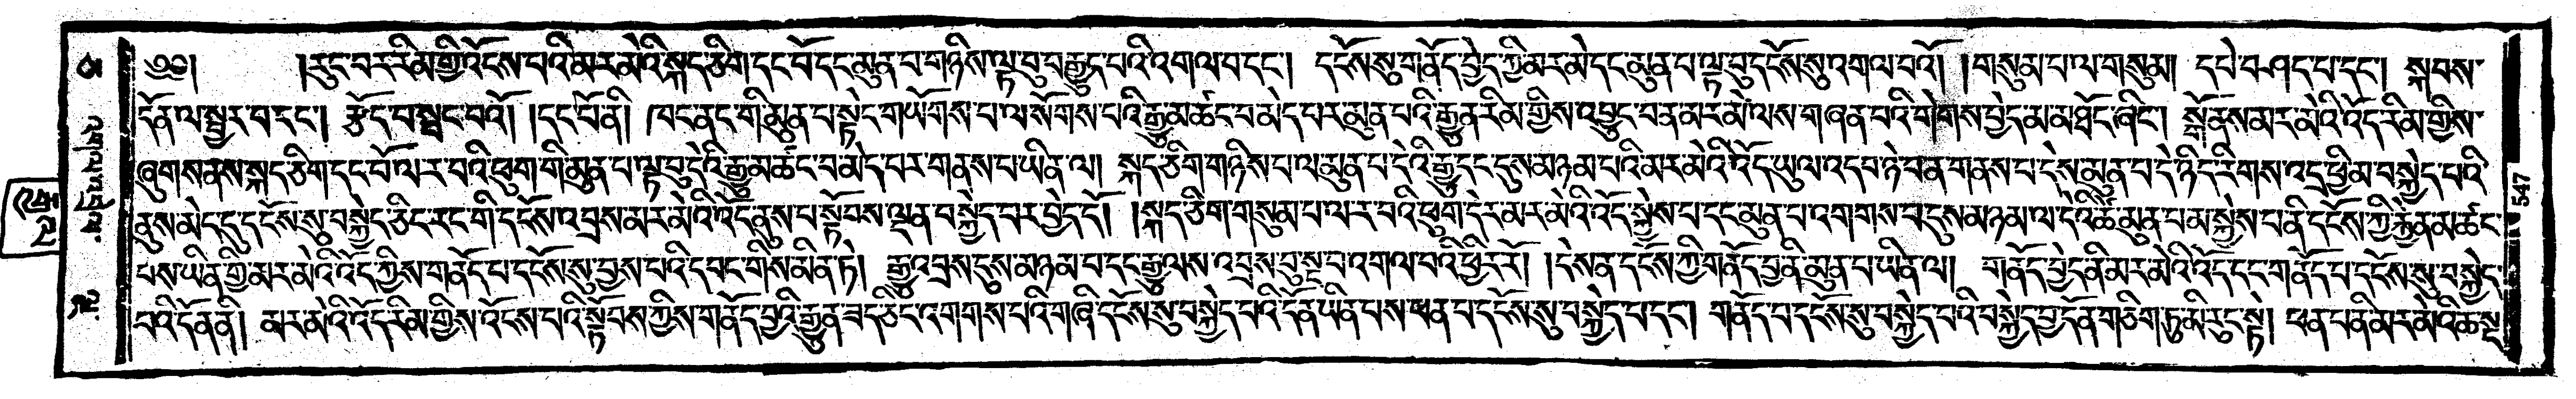༄༅། །རུང་བར་རིམ་གྱི་འོངས་པའི་མར་མེའི་སྐད་ཅིག་དང་པོ་དང་མུན་པ་གཉིས་ལྟ་བུ་བརྒྱུད་པའི་འགལ་བ་དང་། དངོས་སུ་གནོད་བྱེད་ཀྱི་མར་མེ་དང་མུན་པ་ལྟ་བུ་དངོས་སུ་འགལ་བའོ། །གསུམ་པ་ལ་གསུམ། དཔེ་བཤད་པ་དང་། སྐབས་
དོན་ལ་སྦྱར་བ་དང་། རྩོད་པ་སྤང་བའོ། །དང་པོ་ནི། ཁང་ནང་གི་མུན་པ་སྟེང་གཡོགས་པ་ལ་སོགས་པའི་རྒྱུ་མ་ཚང་བ་མེད་པར་མུན་པའི་རྒྱུན་རིམ་གྱིས་འབྱུང་བ་ན་མར་མེ་ལས་གཞན་པའི་གེགས་བྱེད་མ་མཐོང་ཞིང་། སྒོ་ནས་མར་མེའི་འོད་རིམ་གྱིས་
ཞུགས་ནས་སྐད་ཅིག་དང་པོ་ལ་ར་བའི་ཕུག་གི་མུན་པ་ལྟ་བུ་དེའི་རྒྱུ་མ་ཚང་བ་མེད་པར་གནས་པ་ཡིན་ལ། སྐད་ཅིག་གཉིས་པ་ལ་མུན་པ་དེའི་རྒྱུ་དང་དུས་མཉམ་པའི་མར་མེའི་འོད་ཡུལ་འདབ་ཉེ་བ་ན་གནས་པ་དེས་མུན་པ་དེ་ཉིད་རིགས་འདྲ་ཕྱི་མ་བསྐྱེད་པའི་
ནུས་མེད་དུ་དངོས་སུ་བསྐྱེད་ཅིང་རང་གི་དངོས་འབྲས་མར་མེའི་འོད་ནུས་པ་སྟོབས་ལྡན་བསྐྱེད་པར་བྱེད་དོ། །སྐད་ཅིག་གསུམ་པ་ལ་ར་བའི་ཕུག་དེར་མར་མེའི་འོད་སྐྱེས་པ་དང་མུན་པ་འགགས་པ་དུས་མཉམ་ལ་དེའི་ཚེ་མུན་པ་མ་སྐྱེས་པ་ནི་དངོས་ཀྱི་རྐྱེན་མ་ཚང་
བས་ཡིན་གྱི་མར་མེའི་འོད་ཀྱིས་གནོད་པ་དངོས་སུ་བྱས་པའི་དབང་གིས་མིན་ཏེ། རྒྱུ་འབྲས་དུས་མཉམ་པ་དང་རྒྱུ་ལས་འབྲས་བུ་སྔ་བ་འགལ་བའི་ཕྱིར་རོ། །དེས་ན་དངོས་ཀྱི་གནོད་བྱ་ནི་མུན་པ་ཡིན་ལ། གནོད་བྱེད་ནི་མར་མེའི་འོད་དང་གནོད་པ་དངོས་སུ་བསྐྱེད་
པའི་དོན་ནི། མར་མེའི་འོད་རིམ་གྱིས་འོངས་པའི་སྟོབས་ཀྱིས་གནོད་བྱའི་རྒྱུན་ཟད་ཅིང་འགགས་པའི་གཞི་དངོས་སུ་བསྐྱེད་པའི་དོན་ཡིན་པས་ཕན་པ་དངོས་སུ་བསྐྱེད་པ་དང་། གནོད་པ་དངོས་སུ་བསྐྱེད་པའི་བསྐྱེད་བྱ་དོན་གཅིག་ཏུ་མི་རུང་སྟེ། ཕན་པ་ནི་མར་མེའི་ཆ་སྔ་